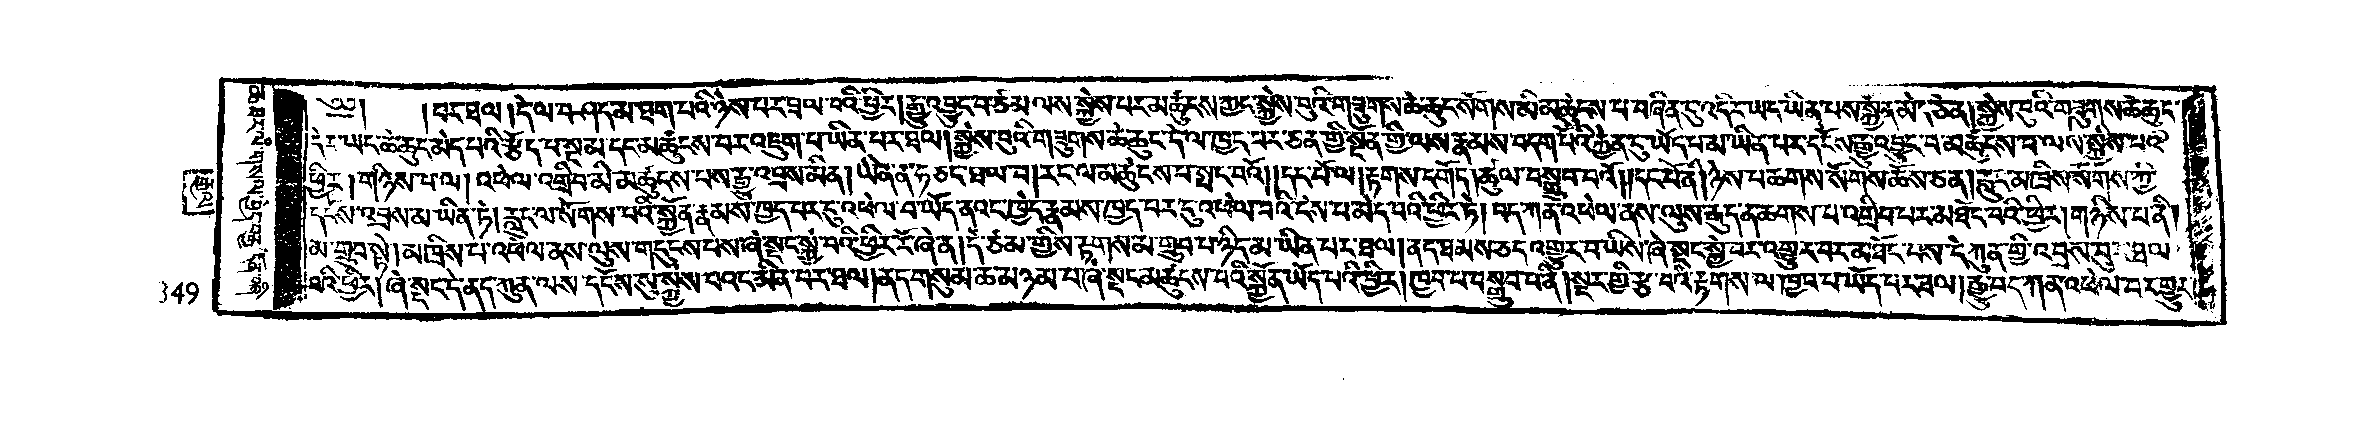༄༅། །པར་ཐལ། དེ་ལ་བཤད་མ་ཐག་པའི་ཉེས་པར་ཐལ་བའི་ཕྱིར། རྒྱུ་འབྱུང་བ་ཙམ་ལས་སྐྱེས་པར་མཚུངས་ཀྱང་སྐྱེས་བུའི་གཟུགས་ཆེ་ཆུང་སོགས་མི་མཚུངས་པ་བཞིན་དུ་འདིར་ཡང་ཡིན་པས་སྐྱོན་མེད་ཅེ་ན། སྐྱེས་བུའི་གཟུགས་ཆེ་ཆུང་
དེར་ཡང་ཆེ་ཆུང་མེད་པའི་རྩོད་པ་སྔ་མ་དང་མཚུངས་པར་འཇུག་པ་ཡིན་པར་ཐལ། སྐྱེས་བུའི་གཟུགས་ཆེ་ཆུང་དེ་ལ་ཁྱད་པར་ཅན་གྱི་སྔོན་གྱི་ལས་རྣམས་བདག་པོའི་རྐྱེན་དུ་ཡོད་པ་མ་ཡིན་པར་དངོས་རྒྱུ་འབྱུང་བ་མཚུངས་པ་ལས་སྐྱེས་པའི་
ཕྱིར། གཉིས་པ་ལ། འཕེལ་འགྲིབ་མི་མཚུངས་པས་རྒྱུ་འབྲས་མིན། ཡིན་ན་ཧ་ཅང་ཐལ་བ། རང་ལ་མཚུངས་པ་སྤང་བའོ། །དང་པོ་ལ། རྟགས་དགོད། ཚུལ་བསྒྲུབ་པའོ། །དང་པོ་ནི། ཉེས་པ་ཆགས་སོགས་ཆོས་ཅན། རླུང་མཁྲིས་སོགས་ཀྱི་
དངོས་འབྲས་མ་ཡིན་ཏེ། རླུང་ལ་སོགས་པའི་སྐྱོན་རྣམས་ཁྱད་པར་དུ་འཕེལ་བ་ཡོད་ནའང་ཁྱེད་རྣམས་ཁྱད་པར་དུ་འཕེལ་བའི་ངེས་པ་མེད་པའི་ཕྱིར་ཏེ། བད་ཀན་འཕེལ་ནས་ལུས་རྒྱུད་ན་ཆགས་པ་འགྲིབ་པར་མཐོང་བའི་ཕྱིར། གཉིས་པ་ནི།
མ་གྲུབ་སྟེ། མཁྲིས་པ་འཕེལ་ནས་ལུས་གདུངས་པས་ཞེ་སྡང་སྐྱེ་བའི་ཕྱིར་རོ་ཞེ་ན། དེ་ཙམ་གྱིས་རྟགས་མ་གྲུབ་པ་ཉིད་མ་ཡིན་པར་ཐལ། ནད་ཐམས་ཅད་འགྱུར་བ་ཡིས་ཞེ་སྡང་སྐྱེ་བར་འགྱུར་བར་མཐོང་བས་དེ་ཀུན་གྱི་འབྲས་བུར་ཐལ་
བའི་ཕྱིར། ཞེ་སྡང་དེ་ནད་ཀུན་ལས་དངོས་སུ་སྐྱེས་བའང་མིན་པར་ཐལ། ནད་གསུམ་ཆ་མཉམ་པ་ཞེ་སྡང་མཚུངས་པའི་སྐྱོན་ཡོད་པའི་ཕྱིར། ཁྱབ་པ་བསྒྲུབ་པ་ནི། སྔར་གྱི་རྩ་བའི་རྟགས་ལ་ཁྱབ་པ་ཡོད་པར་ཐལ། རྒྱུ་བདག་ཀན་འཕེལ་བར་གྱུར་